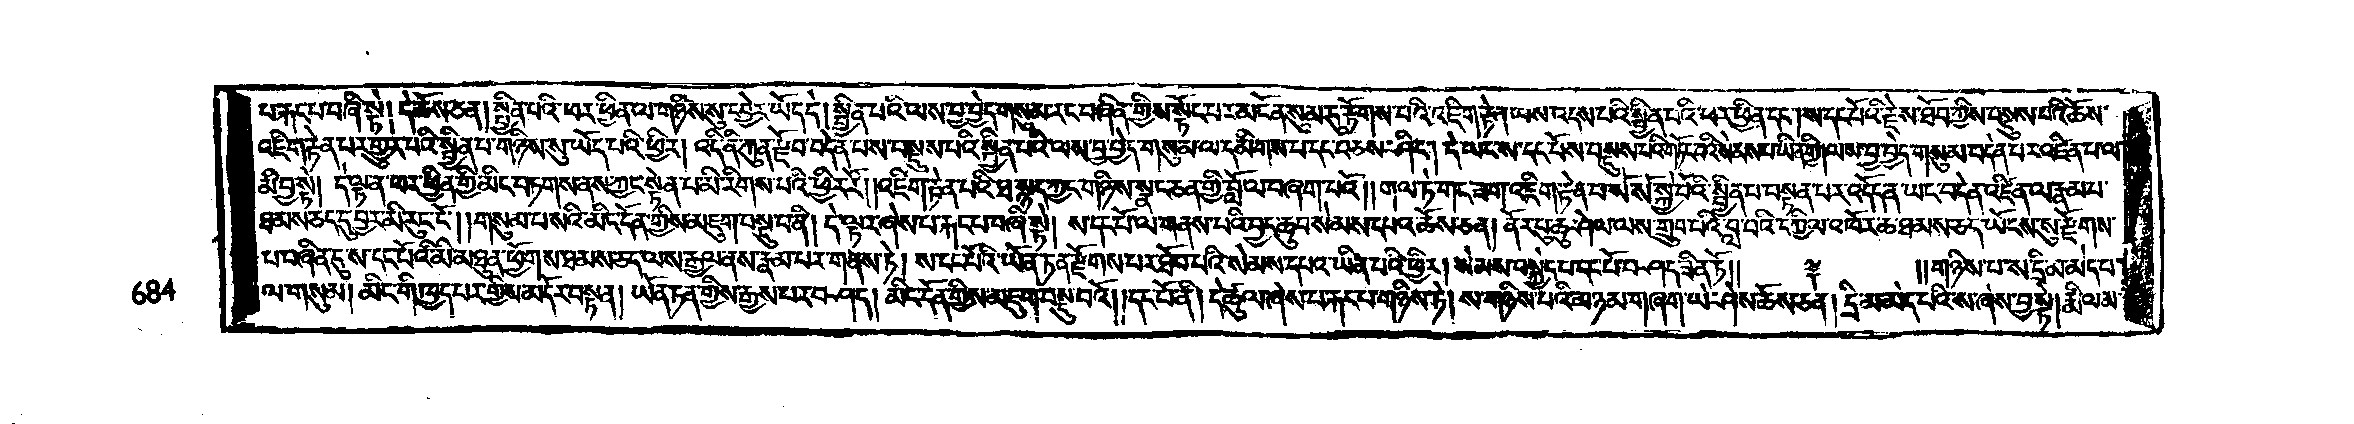པ་རྐང་པ་བཞི་སྟེ། དེ་ཆོས་ཅན། སྦྱིན་པའི་ཕར་ཕྱིན་ལ་གཉིས་སུ་དབྱེར་ཡོད་དེ། སྦྱིན་པའི་ལས་བྱ་བྱེད་གསུམ་རང་བཞིན་གྱིས་སྟོང་པར་མངོན་སུམ་དུ་རྟོགས་པའི་འཇིག་རྟེན་ལས་འདས་པའི་སྦྱིན་པའི་ཕར་ཕྱིན་དང་། ས་དང་པོའི་རྗེས་ཐོབ་ཀྱིས་བསྡུས་པའི་ཆོས་
འཇིག་རྟེན་པར་གྱུར་པའི་སྦྱིན་པ་གཉིས་སུ་ཡོད་པའི་ཕྱིར། འདི་ནི་ཀུན་རྫོབ་བདེན་པས་བསྡུས་པའི་སྦྱིན་པའི་ལས་བྱ་བྱེད་གསུམ་ལ་དམིགས་པ་དང་བཅས་ཤིང་། དེ་ཡང་ས་དང་པོས་བསྡུས་པའི་གཏོང་བའི་སེམས་པ་ཡིན་གྱི། ལས་བྱ་བྱེད་གསུམ་བདེན་པར་འཛིན་པ་ལ་
མི་བྱ་སྟེ། དེ་ལྟ་ན་ཕར་ཕྱིན་གྱི་མིང་བཏགས་ནས་ཀྱང་སྟེན་པ་མི་རིགས་པའི་ཕྱིར་རོ། །འཇིག་རྟེན་པའི་ཐ་སྙད་ཀྱང་གཉིས་སྣང་ཅན་གྱི་བློ་ལ་བཞག་པའོ། །གལ་ཏེ་གང་ཟག་འཇིག་རྟེན་པ་སོ་སོ་སྐྱེ་བོའི་སྦྱིན་པ་བསྟན་པར་འདོད་ན་ཡང་བདེན་འཛིན་ལ་རྣམ་པ་
ཐམས་ཅད་དུ་བྱར་མི་རུང་ངོ། །གསུམ་པ་སའི་མིང་དོན་གྱིས་མཇུག་བསྡུ་བ་ནི། དེ་ལྟར་ཞེས་པ་རྐང་པ་བཞི་སྟེ། ས་དང་པོ་ལ་གནས་པའི་བྱང་ཆུབ་སེམས་དཔའ་ཆོས་ཅན། ནོར་བུ་ཆུ་ཤེལ་ལས་གྲུབ་པའི་བླ་བའི་དཀྱིལ་འཁོར་ཆ་ཐམས་ཅད་ཡོངས་སུ་རྫོགས་
པ་བཞིན་དུ་ས་དང་པོའི་མི་མཐུན་ཕྱོགས་ཐམས་ཅད་ལས་རྒྱལ་ནས་རྣམ་པར་གནས་ཏེ། ས་དང་པོའི་ཡོན་ཏན་རྫོགས་པར་ཐོབ་པའི་སེམས་དཔའ་ཡིན་པའི་ཕྱིར། སེམས་བསྐྱེད་པ་དང་པོ་བཤད་ཟིན་ཏོ།། ༈ །།གཉིས་པ་ས་དྲི་མ་མེད་པ་
ལ་གསུམ། མིང་གི་ཁྱད་པར་གྱིས་མདོར་བསྟན། ཡོན་ཏན་གྱིས་རྒྱས་པར་བཤད། མིང་དོན་གྱིས་མཇུག་བསྡུ་བའོ། །དང་པོ་ནི། དེ་ཚུལ་ཞེས་པ་རྐང་པ་གཉིས་ཏེ། ས་གཉིས་པའི་མཉམ་གཞག་ཡེ་ཤེས་ཆོས་ཅན། དྲི་མ་མེད་པའི་ས་ཞེས་བྱ་སྟེ། རྨི་ལམ་